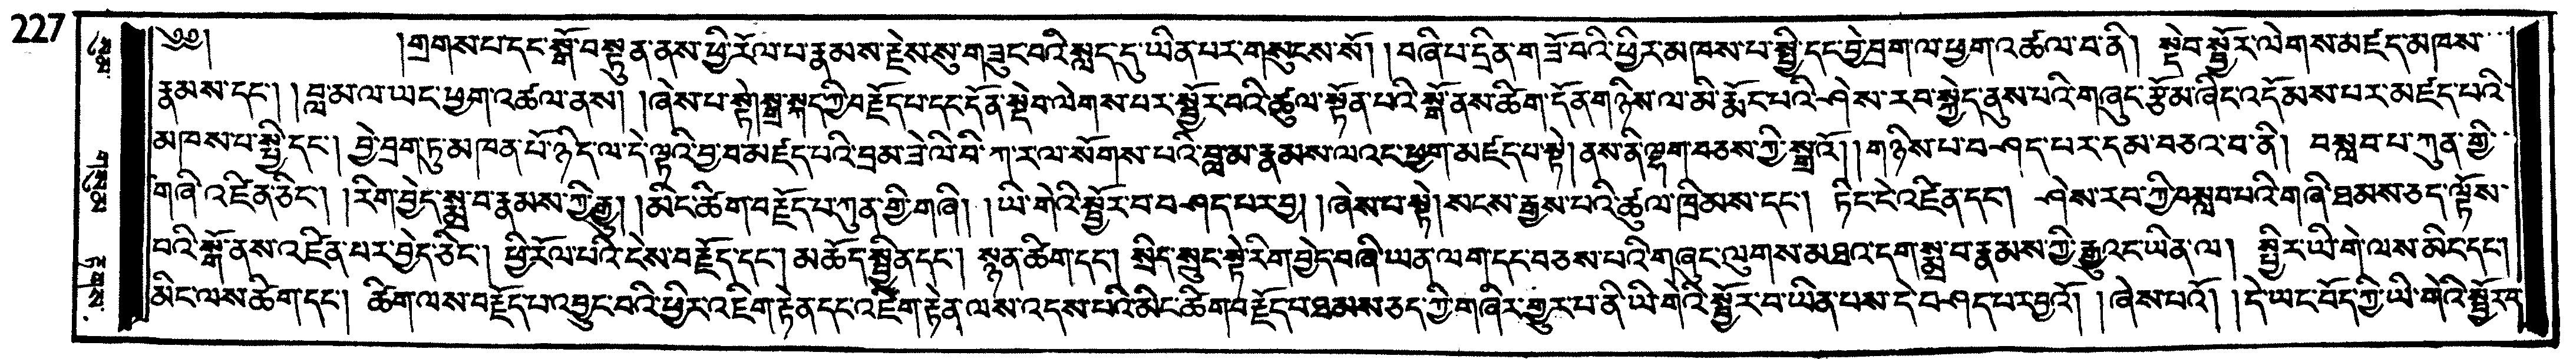༄༅། །གྲགས་པ་དང་སྒོ་བསྟུན་ནས་ཕྱི་རོལ་པ་རྣམས་རྗེས་སུ་གཟུང་བའི་སླད་དུ་ཡིན་པར་གསུངས་སོ། །བཞི་པ་དྲིན་གཟོ་བའི་ཕྱིར་མཁས་པ་སྤྱི་དང་བྱེ་བྲག་ལ་ཕྱག་འཚལ་བ་ནི། སྡེབ་སྦྱོར་ལེགས་མཛད་མཁས་
རྣམས་དང་། །བླ་མ་ལ་ཡང་ཕྱག་འཚལ་ནས། །ཞེས་པ་སྟེ། སྒྲ་སྐད་ཀྱི་བརྗོད་པ་དང་དོན་སྡེབ་ལེགས་པར་སྦྱོར་བའི་ཚུལ་སྟོན་པའི་སྒོ་ནས་ཚིག་དོན་གཉིས་ལ་མི་རྨོང་པའི་ཤེས་རབ་སྐྱེད་ནུས་པའི་གཞུང་རྩོམ་ཞིང་འདོམས་པར་མཛད་པའི་
མཁས་པ་སྤྱི་དང་། བྱེ་བྲག་ཏུ་མཁན་པོ་ཉིད་ལ་དེ་ལྟའི་བྱ་བ་མཛད་པའི་བྲམ་ཟེ་ལི་བི་ཀ་ར་ལ་སོགས་པའི་བླ་མ་རྣམས་ལའང་ཕྱག་མཛད་པ་སྟེ། ནས་ནི་ལྷག་བཅས་ཀྱི་སྒྲའོ། །གཉིས་པ་བཤད་པར་དམ་བཅའ་བ་ནི། བསླབ་པ་ཀུན་གྱི་
གཞི་འཛིན་ཅིང་། །རིག་བྱེད་སྨྲ་བ་རྣམས་ཀྱི་རྒྱུ། །མིང་ཚིག་བརྗོད་པ་ཀུན་གྱི་གཞི། །ཡི་གེའི་སྦྱོར་བ་བཤད་པར་བྱ། །ཞེས་པ་སྟེ། སངས་རྒྱས་པའི་ཚུལ་ཁྲིམས་དང་། ཏིང་ངེ་འཛིན་དང་། ཤེས་རབ་ཀྱི་བསླབ་པའི་གཞི་ཐམས་ཅད་ལྟོས་
པའི་སྒོ་ནས་འཛིན་པར་བྱེད་ཅིང་། ཕྱི་རོལ་པའི་ངེས་བརྗོད་དང་། མཆོད་སྦྱིན་དང་། སྙན་ཚིག་དང་། སྲིད་སྲུང་སྟེ་རིག་བྱེད་བཞི་ཡན་ལག་དང་བཅས་པའི་གཞུང་ལུགས་མཐའ་དག་སྨྲ་བ་རྣམས་ཀྱི་རྒྱུའང་ཡིན་ལ། སྤྱིར་ཡི་གེ་ལས་མིང་དང་།
མིང་ལས་ཚིག་དང་། ཚིག་ལས་བརྗོད་པ་འབྱུང་བའི་ཕྱིར་འཇིག་རྟེན་དང་འཇིག་རྟེན་ལས་འདས་པའི་མིང་ཚིག་བརྗོད་པ་ཐམས་ཅད་ཀྱི་གཞིར་གྱུར་པ་ནི་ཡི་གེའི་སྦྱོར་བ་ཡིན་པས་དེ་བཤད་པར་བྱའོ། །ཞེས་པའོ། །དེ་ཡང་བོད་ཀྱི་ཡེ་གེའི་སྦྱོར་བ་